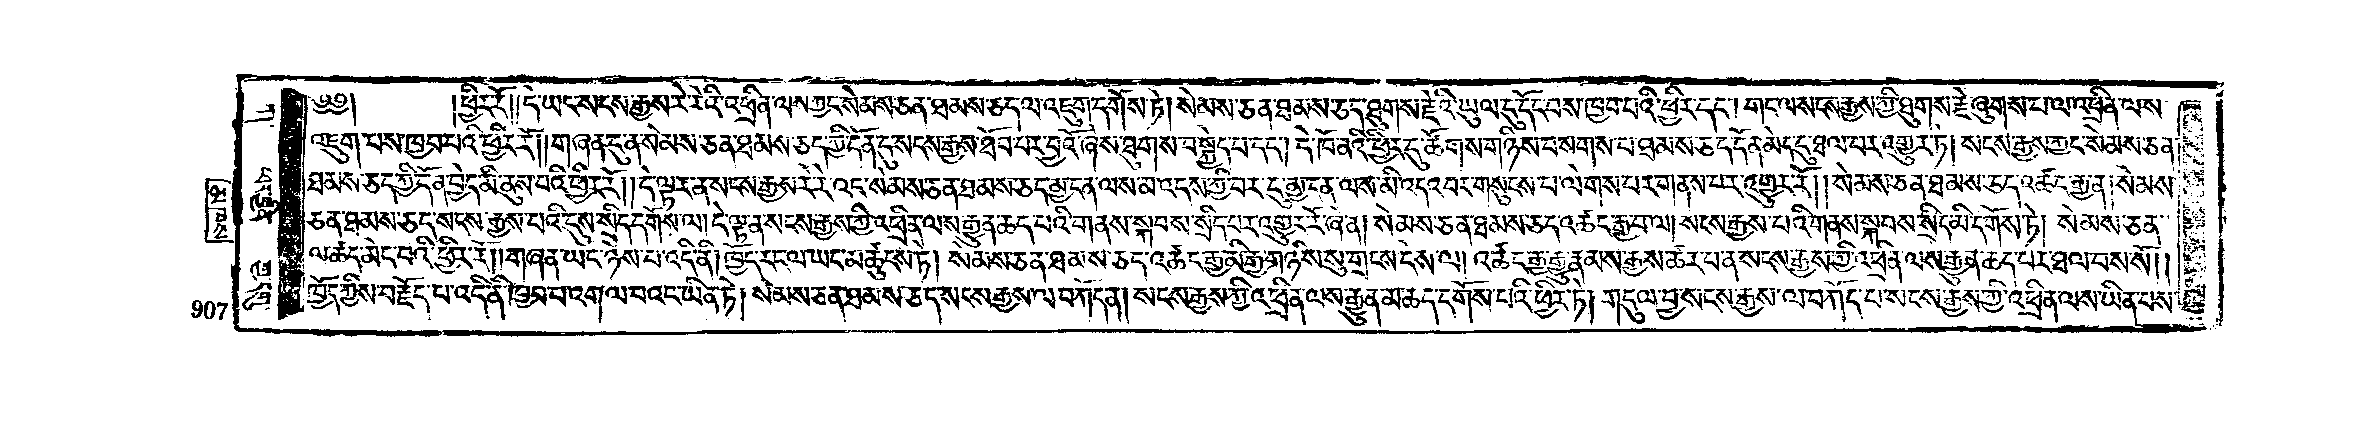༄༅། །ཕྱིར་རོ། །དེ་ཡང་སངས་རྒྱས་རེ་རེའི་འཕྲིན་ལས་ཀྱང་སེམས་ཅན་ཐམས་ཅད་ལ་འཇུག་དགོས་ཏེ། སེམས་ཅན་ཐམས་ཅ་ཐུགས་རྗེའི་ཡུལ་དུ་དོང་བས་ཁྱབ་པའི་ཕྱིར་དང་། གང་ལ་སངས་རྒྱས་ཀྱི་ཐུགས་རྗེ་ཞུགས་པ་ལ་འཕྲིན་ལས་
འཇུག་པས་ཁྱབ་པའི་ཕྱིར་རོ། །གཞན་དུ་ན་སེམས་ཅན་ཐམས་ཅད་ཀྱི་དོན་དུ་སངས་རྒྱས་ཐོབ་པར་བྱའོ་ཞེས་ཐུགས་བསྐྱེད་པ་དང་། དེ་ཁོ་ནའི་ཕྱིར་དུ་ཚོགས་གཉིས་བསགས་པ་ཐམས་ཅད་དོན་མེད་དུ་ཐལ་བར་འགྱུར་ཏེ། སངས་རྒྱས་ཀྱང་སེམས་ཅན་
ཐམས་ཅད་ཀྱི་དོན་བྱེད་མི་ནུས་པའི་ཕྱིར་རོ། །དེ་ལྟར་ན་སངས་རྒྱས་རེ་རེ་འང་སེམས་ཅན་ཐམས་ཅད་མྱ་ངན་ལས་མ་འདས་ཀྱི་བར་དུ་མྱ་ངན་ལས་མི་འདའ་བར་གསུངས་པ་ལེགས་པར་གནས་པར་འགྱུར་རོ། །སེམས་ཅན་ཐམས་ཅད་འཚང་རྒྱ་ན། སེམས་
ཅན་ཐམས་ཅད་སངས་རྒྱས་པའི་དུས་སྲིད་དགོས་ལ། དེ་ལྟ་ན་སངས་རྒྱས་ཀྱི་འཕྲིན་ལས་རྒྱུན་ཆད་པའི་གནས་སྐབས་སྲིད་པར་འགྱུར་རོ་ཞེ་ན། སེམས་ཅན་ཐམས་ཅད་འཚང་རྒྱ་བ་ལ། སངས་རྒྱས་པའི་གནས་སྐབས་སྲིད་མི་དགོས་ཏེ། སེམས་ཅན་
ལ་ཚད་མེད་པའི་ཕྱིར་རོ། །གཞན་ཡང་ཉེས་པ་འདི་ནི། ཁྱོད་རང་ལ་ཡང་མཚུངས་ཏེ། སེམས་ཅན་ཐམས་ཅད་འཚང་རྒྱ་མི་རྒྱ་གཉིས་སུ་གྲངས་ངེས་ལ། འཚང་རྒྱ་རྒྱུ་རྣམས་རྒྱས་ཚར་པ་ན་སངས་རྒྱས་ཀྱི་འཕྲིན་ལས་རྒྱུན་ཆད་པར་ཐལ་བས་སོ། །
ཁྱོད་ཀྱིས་བརྗོད་པ་འདི་ནི་ཁྱབ་པ་འགལ་བའང་ཡིན་ཏེ། སེམས་ཅན་ཐམས་ཅད་སངས་རྒྱས་ལ་བཀོད་ན། སངས་རྒྱས་ཀྱི་འཕྲིན་ལས་རྒྱུན་མ་ཆད་དགོས་པའི་ཕྱིར་ཏེ། གདུལ་བྱ་སངས་རྒྱས་ལ་བཀོད་པ་སངས་རྒྱས་ཀྱི་འཕྲིན་ལས་ཡིན་པས་